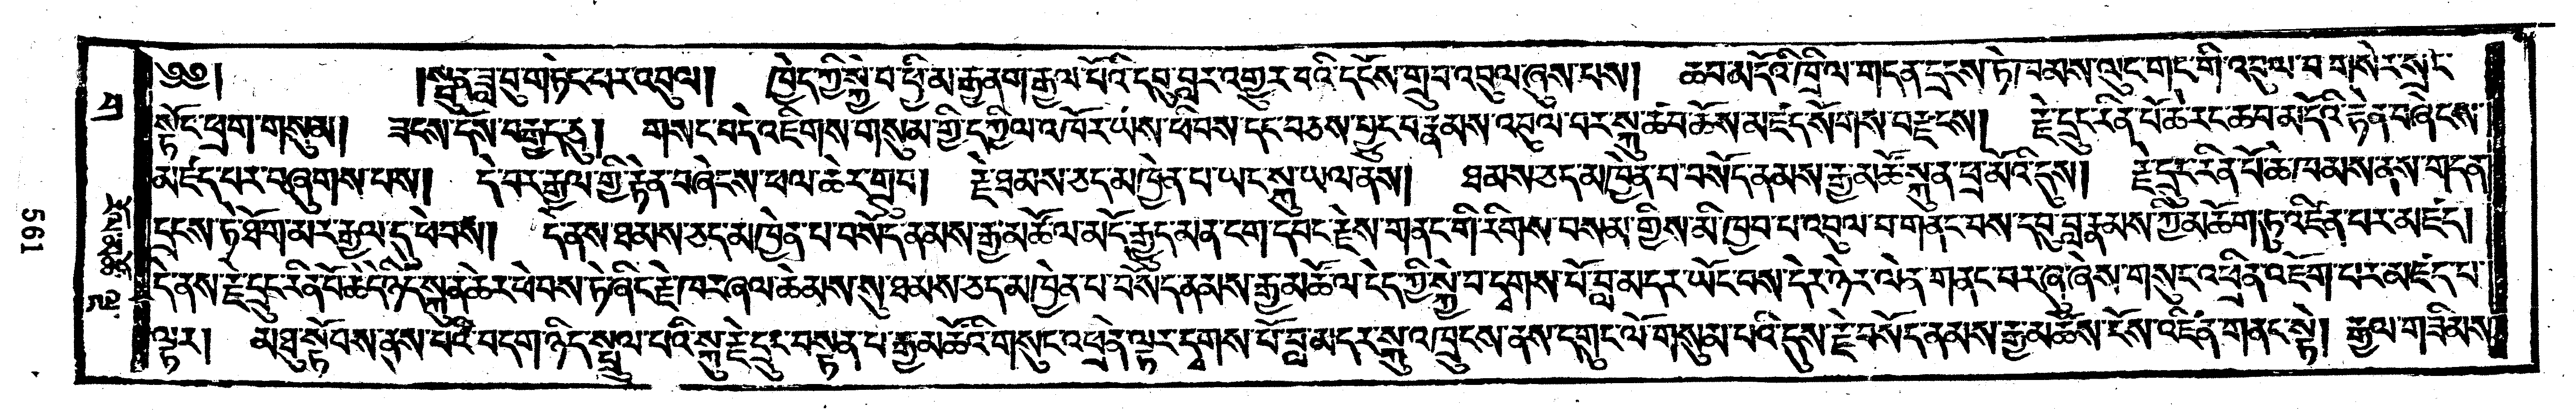༄༅། །སྤུན་ཟླ་བུ་གཏེང་པར་འབུལ། ཁྱེད་ཀྱི་སྐྱེ་བ་ཕྱི་མ་རྒྱ་ནག་རྒྱལ་པོའི་དབུ་བླར་འགྱུར་བའི་དངོས་གྲུབ་འབུལ་ཞུས་པས། ཆབ་མདོའི་ཁྲི་ལ་གདན་དྲངས་ཏེ་ཁམས་ལུང་གང་གི་འབུལ་བ་གསེར་སྲང་
སྟོང་ཕྲག་གསུམ། ཟངས་དོས་བརྒྱད་ཅུ། གསང་བདེ་འཇིགས་གསུམ་གྱི་དཀྱིལ་འཁོར་ཡེས་ཕིབས་དང་བཅས་བྱུང་བ་རྣམས་འབུལ་བར་སྐུ་ཚབ་ཆོས་མཛད་སོགས་བརྫངས། རྗེ་དྲུང་རིན་པོ་ཆེ་རང་ཆབ་མདོའི་རྟེན་བཞེངས་
མཛད་པར་བཞུགས་པས། དེ་བར་རྒྱལ་གྱི་རྟེན་བཞེངས་ཕལ་ཆེར་གྲུབ། རྗེ་ཐམས་ཅད་མཁྱེན་པ་ཡང་སྐུ་ཡལ་ནས། ཐམས་ཅད་མཁྱེན་པ་བསོད་ནམས་རྒྱ་མཚོ་སྐུ་ན་ཕྲ་མོའི་དུས། རྗེ་དྲུང་རིན་པོ་ཆེ་ཁམས་ནས་གདན་
དྲངས་ཏེ་ཐོག་མར་རྒྱལ་དུ་ཕེབས། དེ་ནས་ཐམས་ཅད་མཁྱེན་པ་བསོད་ནམས་རྒྱ་མཚོ་ལ་མདོ་རྒྱུད་མན་ངག་དབང་རྗེས་གནང་གི་རིགས་བསམ་གྱིས་མི་ཁྱབ་པ་འབུལ་བ་གནང་བས་དབུ་བླ་རྣམས་ཀྱི་མཆོག་ཏུ་འཛིན་པར་མཛད།
དེ་ནས་རྗེ་དྲུང་རིན་པོ་ཆེ་དེ་ཉིད་སྐུ་ན་ཆེར་ཕེབས་ཏེ་ཞིང་རྗེ་ཁར་ཞལ་ཆེམས་སུ་ཐམས་ཅད་མཁྱེན་པ་བསོད་ནམས་རྒྱ་མཚོ་ལ་ངེད་ཀྱི་སྐྱེ་བ་དྭགས་པོ་བླ་མདར་ཡོང་བས་དེར་ཉེར་ལེན་གནང་བར་ཞུ་ཞེས་གསུང་འཕྲིན་འཇོག་པར་མཛད་པ་
ལྟར། མཐུ་སྟོབས་ནུས་པའི་བདག་ཉིད་སྤྲུལ་པའི་སྐུ་རྗེ་དྲུང་བསྟན་པ་རྒྱ་མཚོའི་གསུང་འཕྲིན་ལྟར་དྭགས་པོ་བླ་མདར་སྐུ་འཁྲུངས་ནས་དགུང་ལོ་གསུམ་པའི་དུས་རྗེ་བསོད་ནམས་རྒྱ་མཚོས་ངོས་འཛིན་གནང་སྟེ། རྒྱལ་གཟིམས་